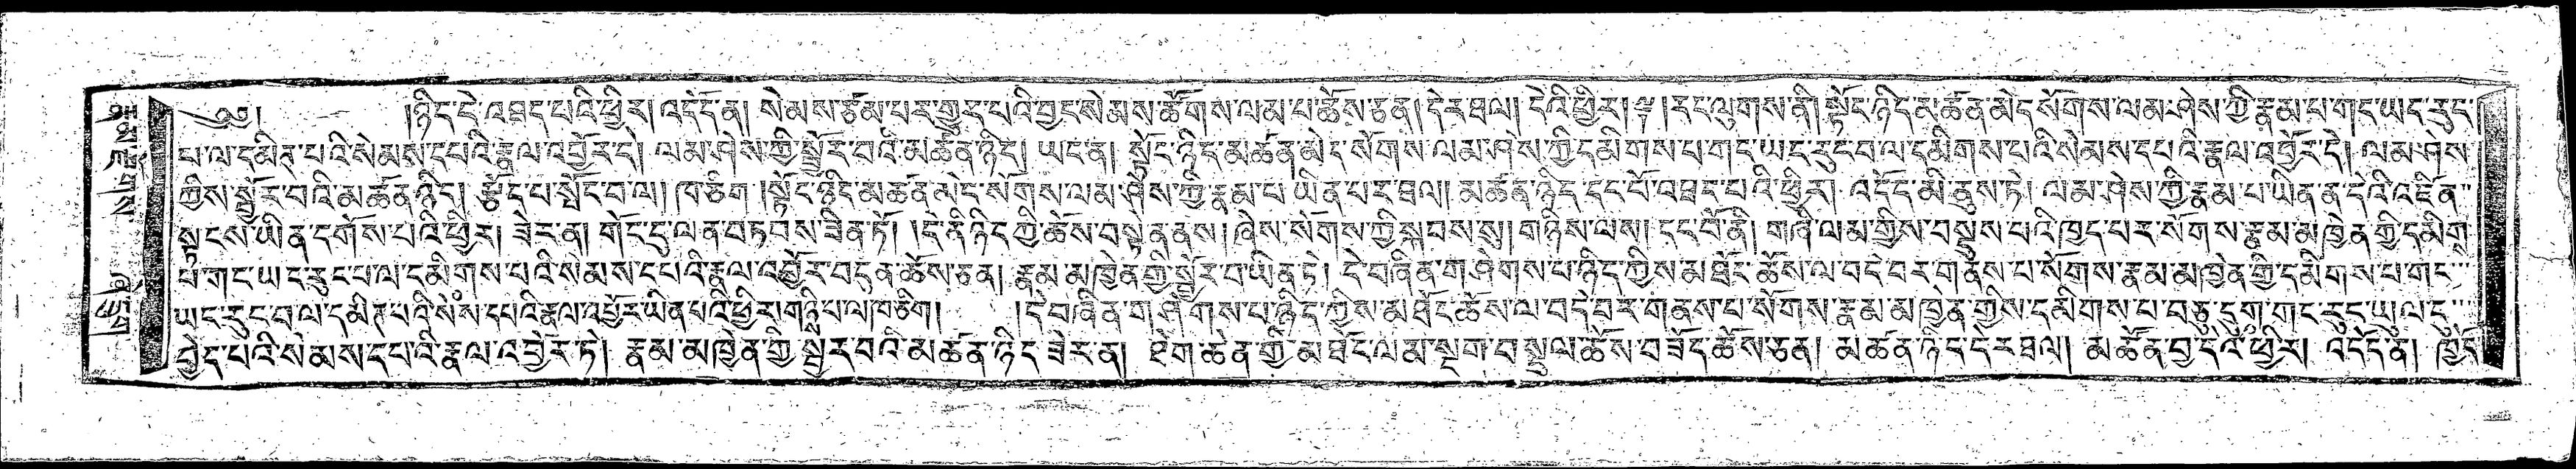༄༅། །ཉིད་དེ་འཐད་པའི་ཕྱིར། འདོད་ན། སེམས་ཙམ་པར་གྱུར་པའི་བྱང་སེམས་ཚོགས་ལམ་པ་ཆོས་ཅན། དེར་ཐལ། དེའི་ཕྱིར། ༈ །རང་ལུགས་ནི། སྟོང་ཉིད་མཚན་མེད་སོགས་ལམ་ཤེས་ཀྱི་རྣམ་པ་གང་ཡང་རུང་
བ་ལ་དམིགས་པའི་སེམས་དཔའི་རྣལ་འབྱོར་དེ། ལམ་ཤེས་ཀྱི་སྦྱོར་བའི་མཚན་ཉིད། ཡང་ན། སྟོང་ཉིད་མཚན་མེད་སོགས་ལམ་ཤེས་ཀྱི་དམིགས་པ་གང་ཡང་རུང་བ་ལ་དམིགས་པའི་སེམས་དཔའི་རྣལ་འབྱོར་དེ། ལམ་ཤེས་
ཀྱི་སྦྱོར་བའི་མཚན་ཉིད། རྩོད་པ་སྤོང་བ་ལ། ཁ་ཅིག །སྟོང་ཉིད་མཚན་མེད་སོགས་ལམ་ཤེས་ཀྱི་རྣམ་པ་ཡིན་པར་ཐལ། མཚན་ཉིད་དང་པོ་འཐད་པའི་ཕྱིར། འདོད་མི་ནུས་ཏེ། ལམ་ཤེས་ཀྱི་རྣམ་པ་ཡིན་ན་དེའི་འཛིན་
སྟངས་ཡིན་དགོས་པའི་ཕྱིར། ཟེར་ན། གོང་དུ་ལན་བཏབ་ཟིན་ཏོ། །དེ་ནི་ཉིད་ཀྱི་ཆོས་བརྟེན་ནས། ཞེས་སོགས་ཀྱི་སྐབས་སུ། གཉིས་ལས། དང་པོ་ནི། གཞི་ལམ་གྱིས་བསྡུས་པའི་ཁྱད་པར་སོགས་རྣམ་མཁྱེན་གྱི་དམིགས་
པ་གང་ཡང་རུང་པ་ལ་དམིགས་པའི་སེམས་དཔའི་རྣལ་འབྱོར་བདུན་ཆོས་ཅན། རྣམ་མཁྱེན་གྱི་སྦྱོར་བ་ཡིན་ཏེ། དེ་བཞིན་གཤེགས་པ་ཉིད་ཀྱིས་མཐོང་ཆོས་ལ་བདེ་བར་གནས་པ་སོགས་རྣམ་མཁྱེན་གྱི་དམིགས་པ་གང་
ཡང་རུང་བ་ལ་དམིགས་པའི་སེམས་དཔའི་རྣལ་འབྱོར་ཡིན་པའི་ཕྱིར། གཉིས་པ་ལ་ཁ་ཅིག །དེ་བཞིན་གཤེགས་པ་ཉིད་ཀྱིས་མཐོང་ཆོས་ལ་བདེ་བར་གནས་པ་སོགས་རྣམ་མཁྱེན་གྱི་དམིགས་པ་བཅུ་དྲུག་གང་རུང་ཡུལ་དུ་
བྱེད་པའི་སེམས་དཔའི་རྣལ་འབྱོར་ཏེ། རྣམ་མཁྱེན་གྱི་སྦྱོར་བའི་མཚན་ཉིད་ཟེར་ན། ཐེག་ཆེན་གྱི་མཐོང་ལམ་སྡུག་བསྔལ་ཆོས་བཟོད་ཆོས་ཅན། མཚན་ཉིད་དེར་ཐལ། མཚོན་བྱ་དེའི་ཕྱིར། འདོད་ན། ཁྱོད་